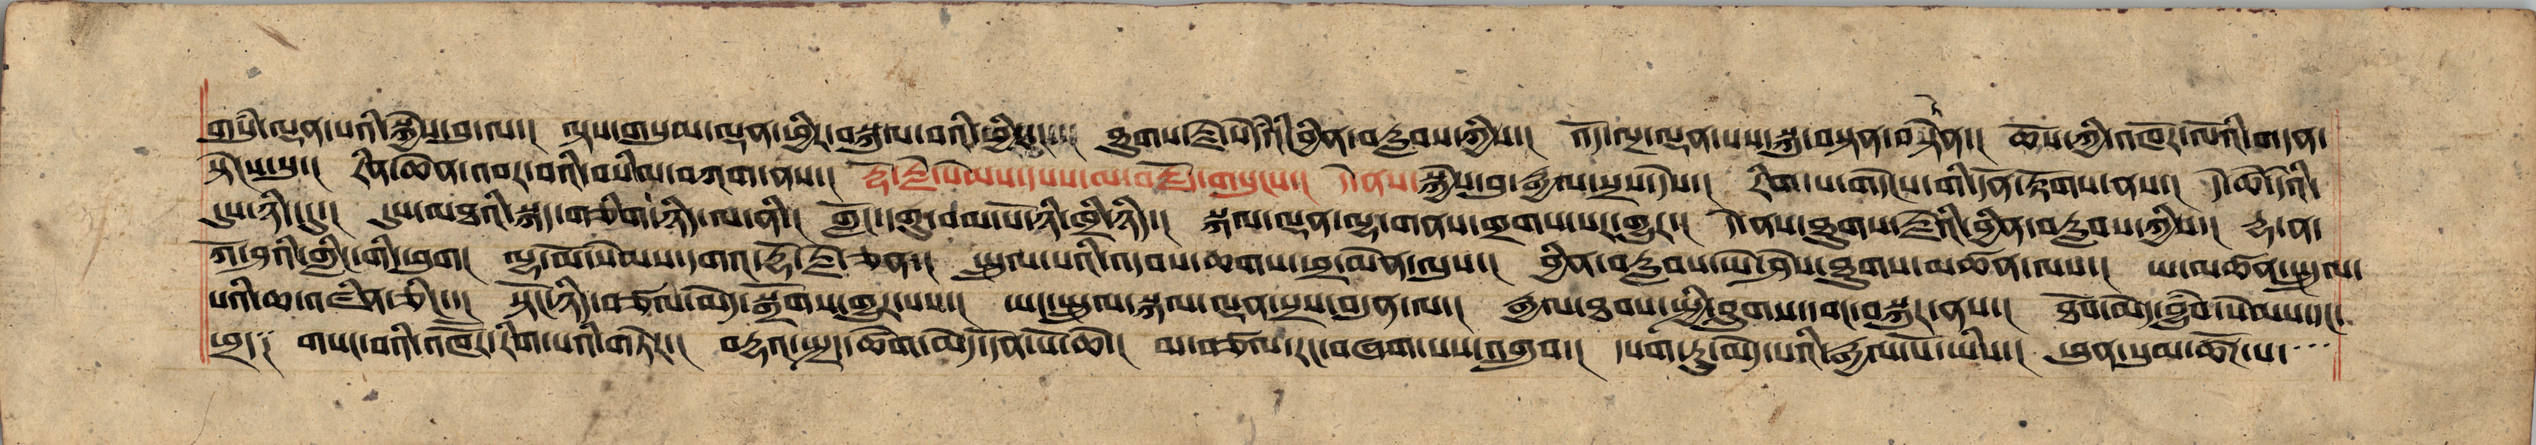གསུཾ་ལྡན་པའི་སྐྱེས་བུ་ལ་། ལྟས་གསུམ་ལྡན་ཕྱིར་བསྐུལ་བའི་ཕྱིར་། ཐུགས་རྗེ་སེདཾའི་བྱིན་བརླབས་ཀྱིས་། འོད་ལྔ་ལྡན་པས་སྐུ་བསྟན་བརྟེན་། ཆོས་ཀྱི་འཁོར་ལོའི་གདན་
སྟེངས་སུ་། རིན་ཆེན་འབར་བའི་བསིལ་བཀག་ནས་། རྡོ་རྗེ་སེམས་དཔས་མ་བརྗོད་གསུངས་། དེ་ནས་སྐྱེས་བུ་རྒྱལ་སྲས་དེས་། རིག་པ་གདེངས་གི་དོན་རྟོགས་ནས་། དེ་ཚེ་དེའི་
དུས་ཉིད་དུ་། དུས་མཐའི་སྐད་གཅིག་ཉིད་ལ་ནི་། གློང་དགུ་བམ་པོ་ཉི་ཁྲི་ཉིད་། སྐལ་ལྡན་ལྷ་གནས་གྲགས་པར་གྱུར་། དེ་ནས་ཐུགས་རྗེའི་བྱིན་བརླབས་ཀྱིས་། དྷ་ན་
ཀོ་ཤའི་གླིང་གི་ཕུག། ལྷ་མོ་སེམས་དགའ་རྡོ་རྗེ་ཅན་། སྤྲུལ་པའི་འདབས་ཆགས་ཕྲ་མེན་ལུས་། བྱིན་བརླབས་ཡེ་ཤེས་ཐུགས་མཚན་ལས་། ཡ་མཚན་སྤྲུལ་
པའི་ཆ་འཛིན་ཅིང་་། སྟོང་ཉིད་བཅོས་མེད་སྒྲོགས་གྱུར་པས་། ཡང་སྤྲུལ་སྐལ་ལྡན་སྲས་བདུན་ལ་། རྒྱལ་ཐབས་སྤྱི་བླུགས་དབང་བསྐུར་ནས་། ཐོབ་མེད་བྱུཾབ་སེམས་དང་
ཕྲད༑ གསང་བའི་འཁཽར་རིག་པའི་གཏེར་། བརྡའ་སྤྲད་ཚེག་མེད་དོན་པོ་ཆེ་། མབཙལ་རང་བཞག་པས་འགྲུབ་། དཔག་ཏུ་མེད་པའི་རྒྱལ་པོ་ཡིས་། ཕུན་སུམ་ཚོཌ་པ་